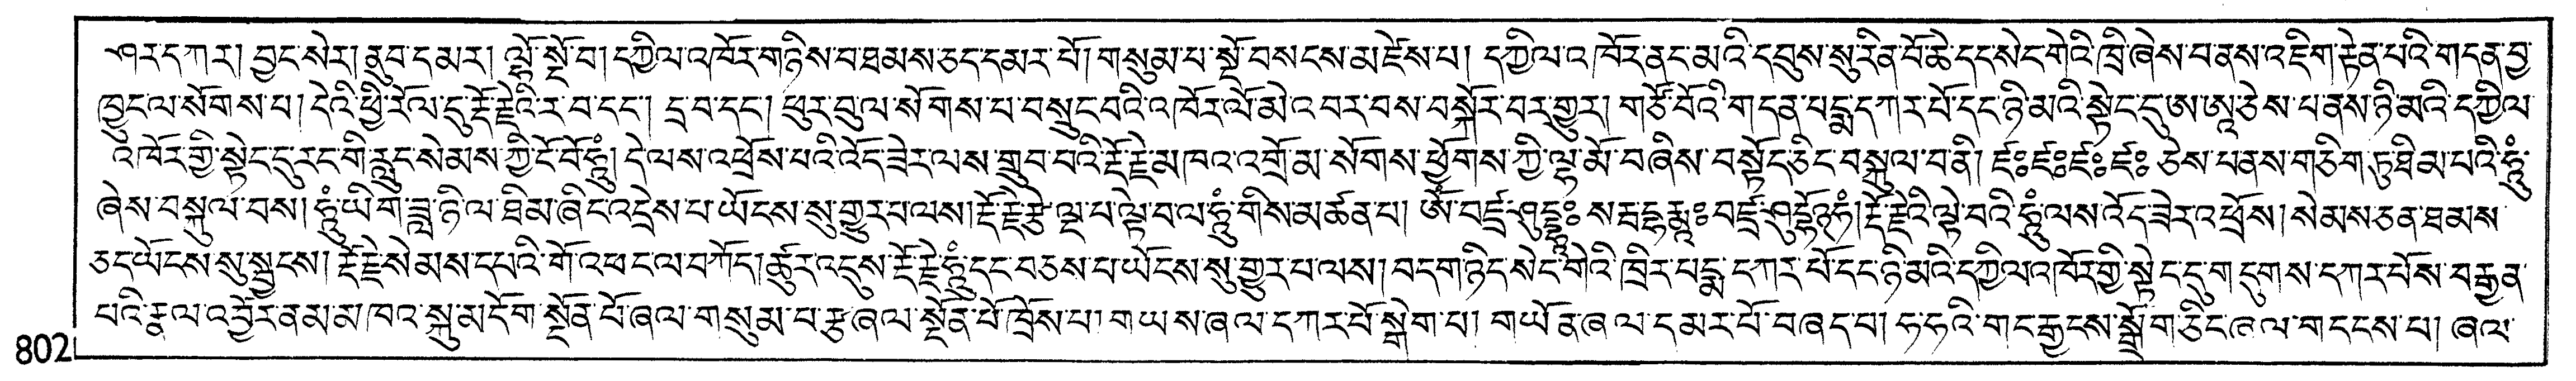ཤར་དཀར། བྱང་སེར། ནུབ་དམར། ལྷོ་སྔོ་བ། དཀྱིལ་འཁོར་གཉིས་པ་ཐམས་ཅད་དམར་པོ། གསུམ་པ་སྔོ་བསངས་མཛེས་པ། དཀྱིལ་འཁོར་ནང་མའི་དབུས་སུ་རིན་པོ་ཆེ་དང་སེང་གེའི་ཁྲི་ཞེས་པ་ནས་འཇིག་རྟེན་པའི་གདན་བྱ་
ཁྱུང་ལ་སོགས་པ། དེའི་ཕྱི་རོལ་དུ་རྡོ་རྗེའི་ར་བ་དང་། དྲ་བ་དང་། ཕུར་བུ་ལ་སོགས་པ་བསྲུང་བའི་འཁོར་ལོ་མེ་འབར་བས་བསྐོར་བར་གྱུར། གཙོ་བོའི་གདན་པདམ་དཀར་པོ་དང་ཉི་མའི་སྟེང་དུ་ཨ་ཨཱ་ཅེས་པ་ནས་ཉི་མའི་དཀྱིལ་
འཁོར་གྱི་སྟེང་དུ་རང་གི་རླུང་སེམས་ཀྱི་ངོ་བོ་ཧཱུཾ། དེ་ལས་འཕྲོས་པའི་འོད་ཟེར་ལས་གྲུབ་པའི་རྡོ་རྗེ་མཁའ་འགྲོ་མ་སོགས་ཕྱོགས་ཀྱི་ལྷ་མོ་བཞིས་བསྟོད་ཅིང་བསྐུལ་བ་ནི། ཛཿ ཛཿ ཛཿ ཛཿ ཅེས་པ་ནས་གཅིག་ཏུ་ཐིམ་པའི་ཧཱུཾ་
ཞེས་བསྐུལ་བས། ཧཱུཾ་ཡིག་ཟླ་ཉི་ལ་ཐིམ་ཞིང་འདྲེས་པ་ཡོངས་སུ་གྱུར་པ་ལས། རྡོ་རྗེ་རྩེ་ལྔ་པ་ལྟེ་བ་ལ་ཧཱུཾ་གིས་མཚན་པ། ཨོཾ་བཛྲ་ཤུདྡྷཱཿ སརྦ་དྷ་རྨཱཿ བཛྲ་ཤུདྷོཉཧཾ། རྡོ་རྗེའི་ལྟེ་བའི་ཧཱུཾ་ལས་འོད་ཟེར་འཕྲོས། སེམས་ཅན་ཐམས་
ཅད་ཡོངས་སུ་སྦྱངས། རྡོ་རྗེ་སེམས་དཔའི་གོ་འཕང་ལ་བཀོད། ཚུར་འདུས་རྡོ་རྗེ་ཧཱུཾ་དང་བཅས་པ་ཡོངས་སུ་གྱུར་པ་ལས། བདག་ཉིད་སེང་གེའི་ཁྲིར་པདམ་དཀར་པོ་དང་ཉི་མའི་དཀྱིལ་འཁོར་གྱི་སྟེང་དུ་གདུགས་དཀར་པོས་བརྒྱན་
པའི་རྣལ་འབྱོར་ནམ་མཁའ་སྐུ་མདོག་སྔོན་པོ་ཞལ་གསུམ་པ་རྩ་ཞལ་སྔོན་པོ་ཁྲོས་པ། གཡས་ཞལ་དཀར་པོ་སྒེག་པ། གཡོན་ཞལ་དམར་པོ་བཞད་པ། ཧ་ཧའི་གང་རྒྱངས་སྒྲོག་ཅིང་ཞལ་གདངས་པ། ཞལ་